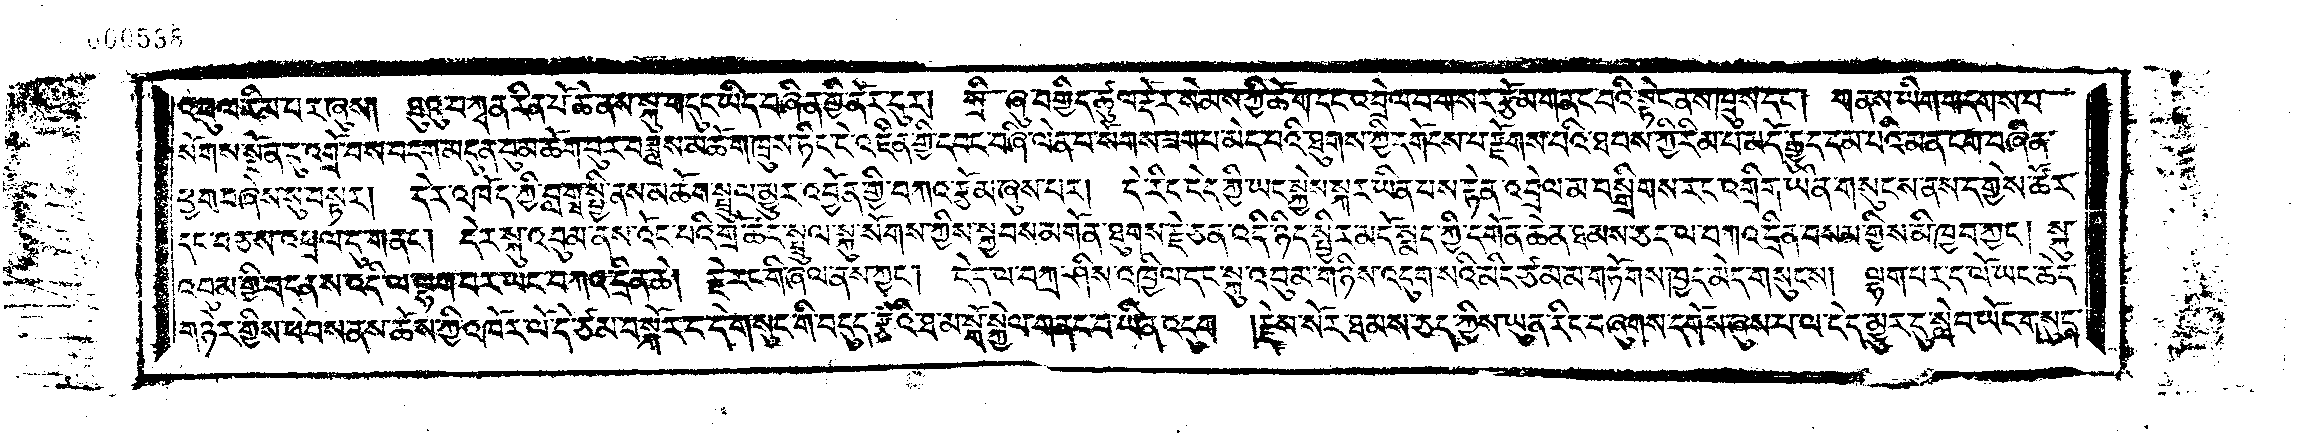འབུལ་རིམ་པར་ཞུས། ཐུའུ་བཀྭན་རིན་པོ་ཆེ་ནས་སྐུ་གདུང་ཡིད་བཞིན་གྱི་ནོར་བུར། སྲི་ཞུ་བགྱིད་ཚུལ་རྡོར་སེམས་ཀྱི་ཆོ་ག་དང་འབྲེལ་བ་གསར་རྩོམ་གནང་བའི་སྟེང་ནས་ཁྲུས་དང་། གནས་ཡིག་གདགས་པ་
སོགས་སྔོན་དུ་འགྲོ་བས་བདག་མདུན་བུམ་ཆོག་པུར་བཟླས་མཆོག་ཁྲུས་ཏིང་ངེ་འཛིན་གྱི་དབང་བཞི་ལེན་པ་སོགས་ཟག་པ་མེད་པའི་ཐུགས་ཀྱི་དགོངས་པ་རྫོགས་པའི་ཐབས་ཀྱི་རིམ་པ་མདོ་རྒྱུད་དམ་པའི་མན་ངག་བཞིན་
ཕྱག་བཞེས་སུ་བསྟར། དེར་འཁོད་ཀྱི་བླ་གྲྭ་སྤྱི་ནས་མཆོག་སྤྲུལ་མྱུར་འབྱོན་གྱི་བཀའ་རྩོམ་ཞུས་པར། དེ་རིང་ངེད་ཀྱི་ཡང་སྐྱེས་སྐར་ཡིན་པས་རྟེན་འབྲེལ་མ་བསྒྲིགས་རང་འགྲིག་ཡིན་གསུངས་ནས་དགྱེས་ཚོར་
དང་བཅས་འཕྲལ་དུ་གནང་། དེར་སྐུ་འབུམ་ནས་འོང་པའི་གྲོ་ཚང་སྤྲུལ་སྐུ་སོགས་ཀྱིས་སྐྱབས་མགོན་ཐུགས་རྗེ་ཅན་འདི་ཉིད་སྤྱིར་མདོ་སྨད་ཀྱི་དགོན་ཆེན་ཐམས་ཅད་ལ་བཀའ་དྲིན་བསམ་གྱིས་མི་ཁྱབ་ཀྱང་། སྐུ་
འབུམ་གྱི་གདན་ས་འདི་ལ་ལྷག་པར་ཡང་བཀའ་དྲིན་ཆེ། རྗེ་རང་གི་ཞལ་ནས་ཀྱང་། ངེད་ལ་བཀྲ་ཤིས་འཁྱིལ་དང་སྐུ་འབུམ་གཉིས་འདུག་སའི་མིང་ཙམ་མ་གཏོགས་ཁྱད་མེད་གསུངས། ལྷག་པར་ད་ལོ་ཡང་ཆེད་
གཉེར་གྱིས་ཕེབས་ནས་ཆོས་ཀྱི་འཁོར་ལོ་དེ་ཙམ་བསྐོར་ང་དེ་གསུང་གི་བདུད་རྩིའི་ཐ་མ་སྒོ་སྐྱེལ་གནང་བ་ཡིན་འདུག །རྗེས་སོར་ཐམས་ཅད་ཀྱིས་ཡུན་རིང་བཞུགས་དགོས་ཞུས་པ་ལ་ངེད་མྱུར་དུ་སླེབ་ཡོང་གསུངས་